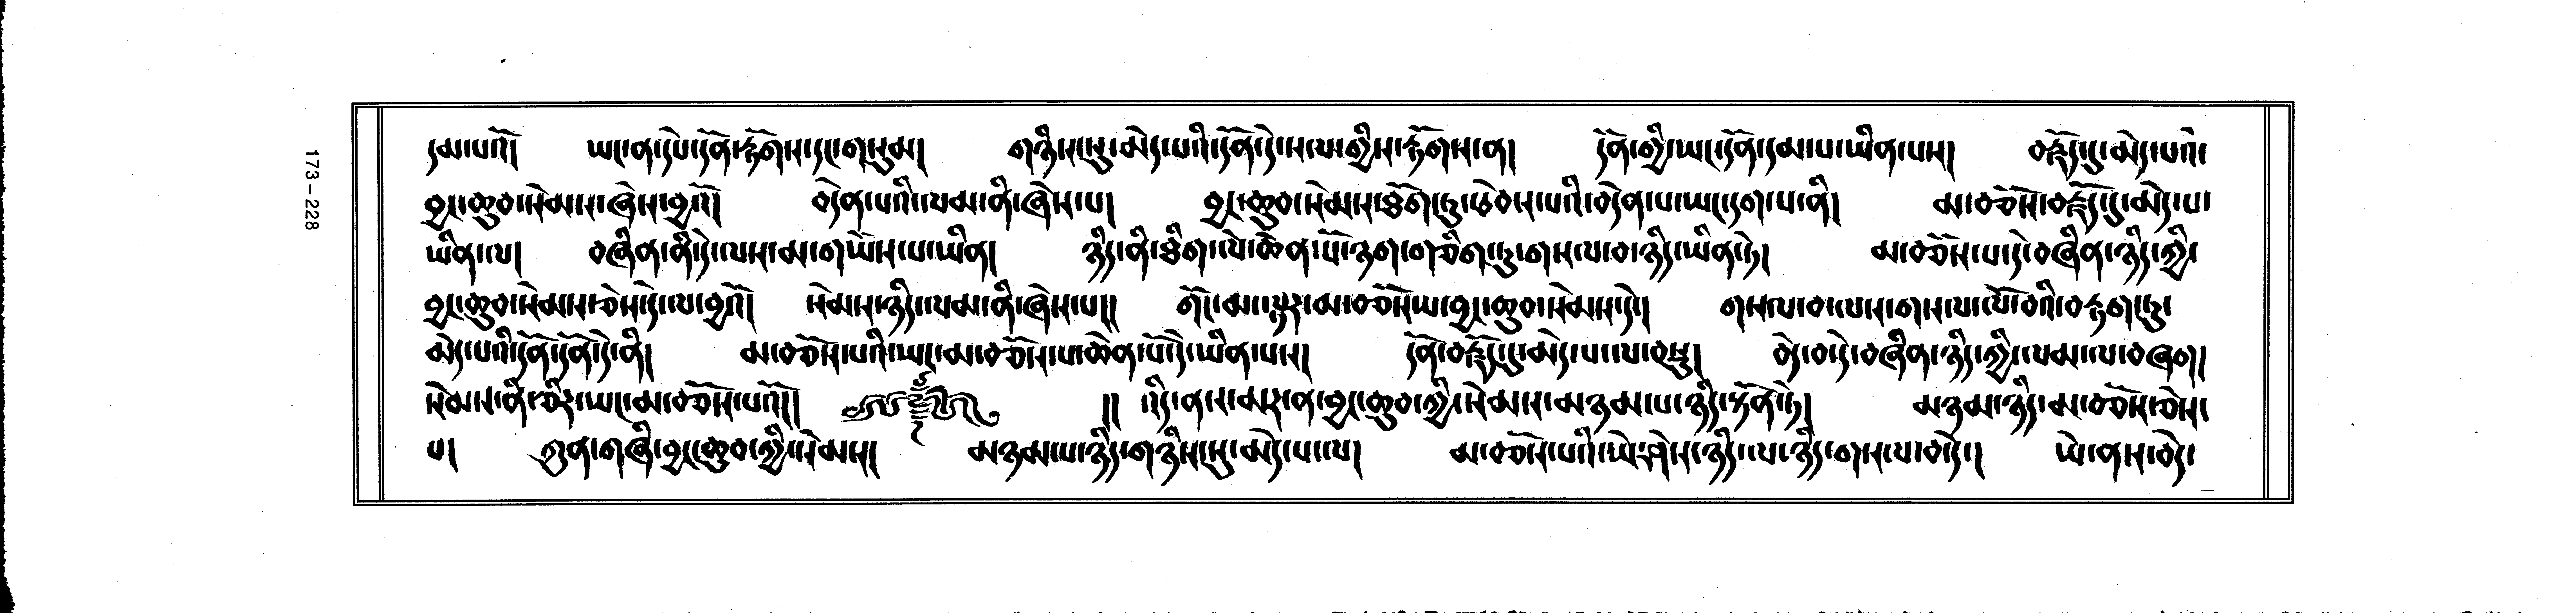དམ་པའོ། །ཡང་ན་དཔེ་དོན་རྟགས་དང་གསུམ། གཉིས་སུ་མེད་པའི་དོན་དེ་སལ་གྱིས་རྟོགས་ན། དོན་གྱི་ཡང་དོན་དམ་པ་ཡིན་པས། བརྗོད་དུ་མེད་པའི་
བྱང་ཆུབ་སེམས་ཞེས་བྱའོ། །བདེན་པའི་ལམ་ནི་ཞེས་པ། བྱང་ཆུབ་སེམས་ཐོག་ཏུ་ཕེབས་པའི་བདེན་པ་ཡང་དག་པ་ནི། མ་བཅོས་བརྗོད་དུ་མེད་པ་
ཡིན་ལ། བཞིན་ནི་དེ་ལས་མ་གཡོས་པ་ཡིན། ཉིད་ནི་ཐིག་ལེ་ཆེན་པོ་གསལ་བ་ཉིད་ཡིན་ཏེ། མ་བཅོས་པ་དེ་བཞིན་ཉིད་ཀྱི་
བྱང་ཆུབ་སེམས་ཅེས་དེ་ལ་བྱའོ། །སེམས་ཉིད་ལམ་ནི་ཞེས་པ། གོང་མ་ལྟར་མ་བཅོས་པ་བྱང་ཆུབ་སེམས་དེ། གསལ་བ་ལ་གསལ་ལོ་བའི་བརྟག་ཏུ་
མེད་པའི་དོན་དེ་ནི། མ་བཅོས་པའི་ཡང་མ་བཅོས་པ་ཆེན་པོ་དེ་ཡིན་པས། དོན་བརྗོད་དུ་མེད་པ་ལ་བསྡུ། བདེ་བ་དེ་བཞིན་ཉིད་ཀྱི་ལམ་ལ་བཞག 
སེམས་ནི་ཅིར་ཡང་མ་བཅོས་པའོ།། །།འདི་ནས་མར་ན་བྱང་ཆུབ་ཀྱི་སེམས་མཉམ་པ་ཉིད་སྟོན་ཏེ། མཉམ་ཉིད་མ་བཅོས་ཅེས་
པ། ཀུན་གཞི་བྱང་ཆུབ་ཀྱི་སེམས། མཉམ་པ་ཉིད་གཉིས་སུ་མེད་པ་ལ། མ་བཅོས་པའི་ཡེ་ཤེས་ཉིད་ལ་ཉིད་གསལ་བ་དེ། ཡེ་ནས་བདེ་